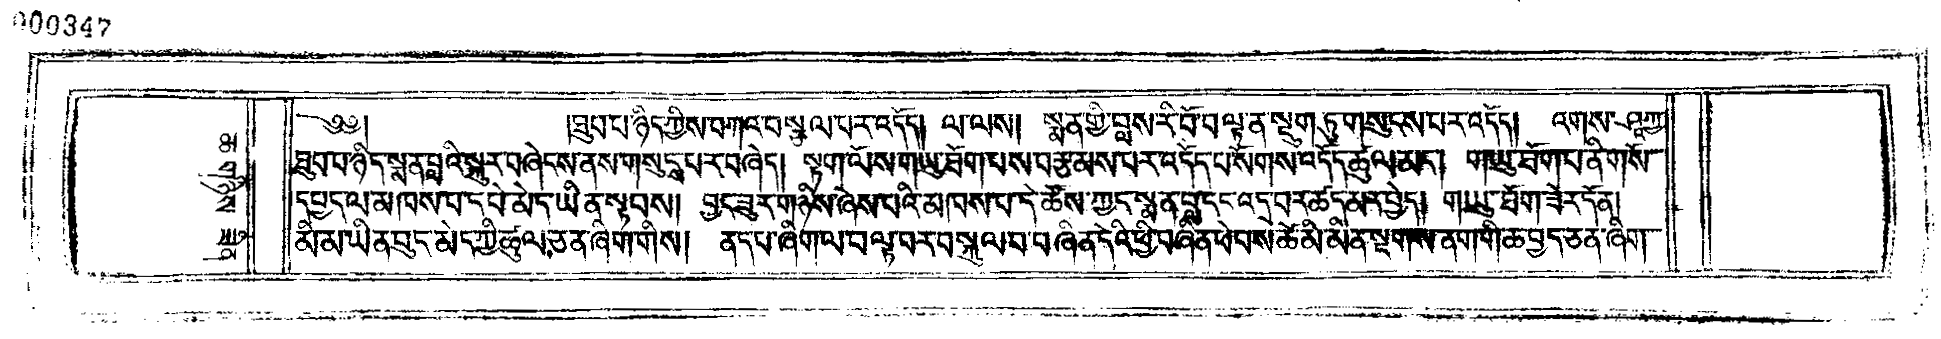༄༅། །ཐུབ་པ་ཉིད་ཀྱིས་བཀའ་བསྩལ་བར་འདོད། ལ་ལས། སྨན་གྱི་བླས་རི་བོ་བལྟ་ན་སྡུག་ཏུ་གསུངས་པར་འདོད། འགས་ཤཱཀྱ་
ཐུབ་པ་ཉིད་སྨན་བླའི་སྐུར་བཞེངས་ནས་གསུངས་པར་བཞེད། སྟག་ལོས་གཡུ་ཐོག་པས་བརྩམས་པར་འདོད་པ་སོགས་འདོད་ཚུལ་མང་། གཡུ་ཐོག་པ་ནི་གསོ་
དཔྱད་ལ་མཁས་པ་དཔེ་མེད་ཡིན་སྟབས། བྱང་ཟུར་གཉིས་ཞེས་པའི་མཁས་པ་དེ་ཚོས་ཀྱང་སྨན་བླ་དང་འདྲ་བར་ཚད་མར་བྱེད། གཡུ་ཐོག་ཟེར་དོན།
མི་མ་ཡིན་བུད་མེད་ཀྱི་ཚུལ་ཅན་ཞིག་གིས། ནད་པ་ཞིག་ལ་བལྟ་བར་བསྐུལ་བ་བཞིན་དེའི་ཕྱི་བཞིན་ཕེབས་ཚེ་མི་མིན་སྔགས་ནག་གི་ཆ་བྱད་ཅན་ཞིག་